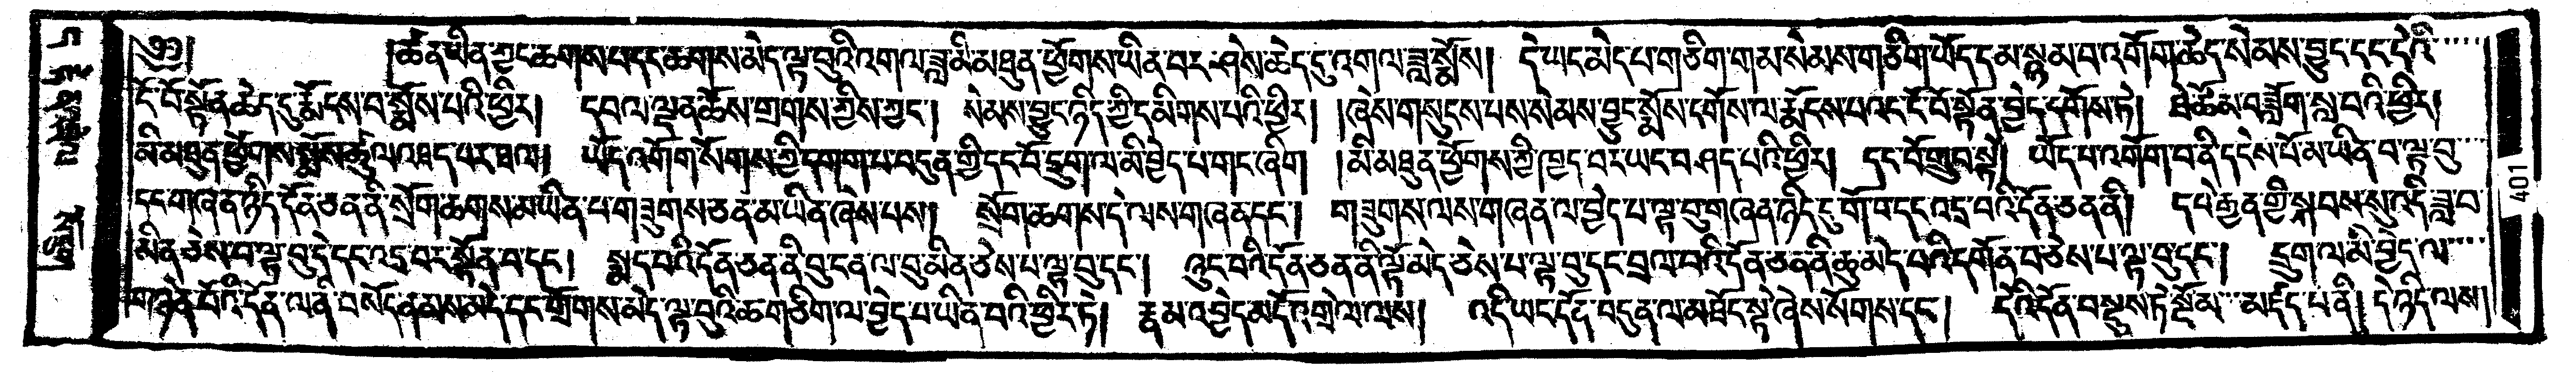༄༅། །ཚན་ཡིན་ཀྱང་ཆགས་པ་དང་ཆགས་མེད་ལྟ་བུའི་འགལ་ཟླ་མི་མཐུན་ཕྱོགས་ཡིན་པར་ཤེས་ཆེད་དུ་འགལ་ཟླ་སྨོས། དེ་ཡང་མེད་པ་གཅིག་གམ་སེམས་གཅིག་ཡོད་དམ་སྙམ་པ་འགོག་ཆེད་སེམས་བྱུང་དང་དེའི་
ངོ་བོ་སྟོན་ཆེད་དུ་རྨོངས་པ་སྨོས་པའི་ཕྱིར། དཔལ་ལྡན་ཆོས་གྲགས་ཀྱིས་ཀྱང་། སེམས་བྱུང་ཉིད་ཀྱི་དམིགས་པའི་ཕྱིར། །ཞེས་གསུངས་པས་སེམས་བྱུང་སྨོས་དགོས་ལ་རྨོངས་པའང་ངོ་བོ་སྟོན་བྱེད་དགོས་ཏེ། ཐེ་ཚོམ་བཟློག་སླ་པའི་ཕྱིར།
མི་མཐུན་ཕྱོགས་སྨོས་ཚུལ་འཐད་པར་ཐལ། ཡོད་འགོག་སོགས་ཀྱི་དགག་པ་བདུན་གྱི་དང་པོ་དྲུག་ལ་མི་བྱེད་པ་གང་ཞིག །མི་མཐུན་ཕྱོགས་ཀྱི་ཁྱད་པར་ཡང་བཤད་པའི་ཕྱིར། དང་པོ་གྲུབ་སྟེ། ཡོད་པ་འགོག་པ་ནི་དངོས་པོ་མ་ཡིན་པ་ལྟ་བུ་
དང་གཞན་ཉིད་དོན་ཅན་ནི་སྲོག་ཆགས་མ་ཡིན་པ་གཟུགས་ཅན་མ་ཡིན་ཞེས་པས། སྲོག་ཆགས་དེ་ལས་གཞན་དང་། གཟུགས་ལས་གཞན་ལ་བྱེད་པ་ལྟ་བུ་གཞན་ཉིད་དུ་གོ་བ་དང་འདྲ་བའི་དོན་ཅན་ནི། དཔེ་རྒྱན་གྱི་སྐབས་སུ་འདི་ཟླ་བ་
མིན་ཅེས་པ་ལྟ་བུ་དེ་དང་འདྲ་བར་སྟོན་པ་དང་། སྨད་པའི་དོན་ཅན་ནི་བུ་ངན་ལ་བུ་མིན་ཅེས་པ་ལྟ་བུ་དང་། ཉུང་བའི་དོན་ཅན་ནི་ལྟོ་མེད་ཅེས་པ་ལྟ་བུ་དང་བྲལ་བའི་དོན་ཅན་ནི་ཆུ་མེད་པའི་དགོང་པ་ཅེས་པ་ལྟ་བུ་དང་། དྲུག་ལ་མི་བྱེད་ལ་
གཉེན་པོའི་དོན་ལ་ནི་བསོད་ནམས་མེད་དང་གྲོགས་མེད་ལྟ་བུའི་ཆ་གཅིག་ལ་བྱེད་པ་ཡིན་པའི་ཕྱིར་ཏེ། རྣམ་འབྱེད་མདོ་འགྲེལ་ལས། འདི་ཡང་དོན་བདུན་ལ་མཐོང་སྟེ་ཞེས་སོགས་དང་། དེའི་དོན་བསྡུས་ཏེ་སྡོམ་མཛད་པ་ནི། དེ་ཉིད་ལས།